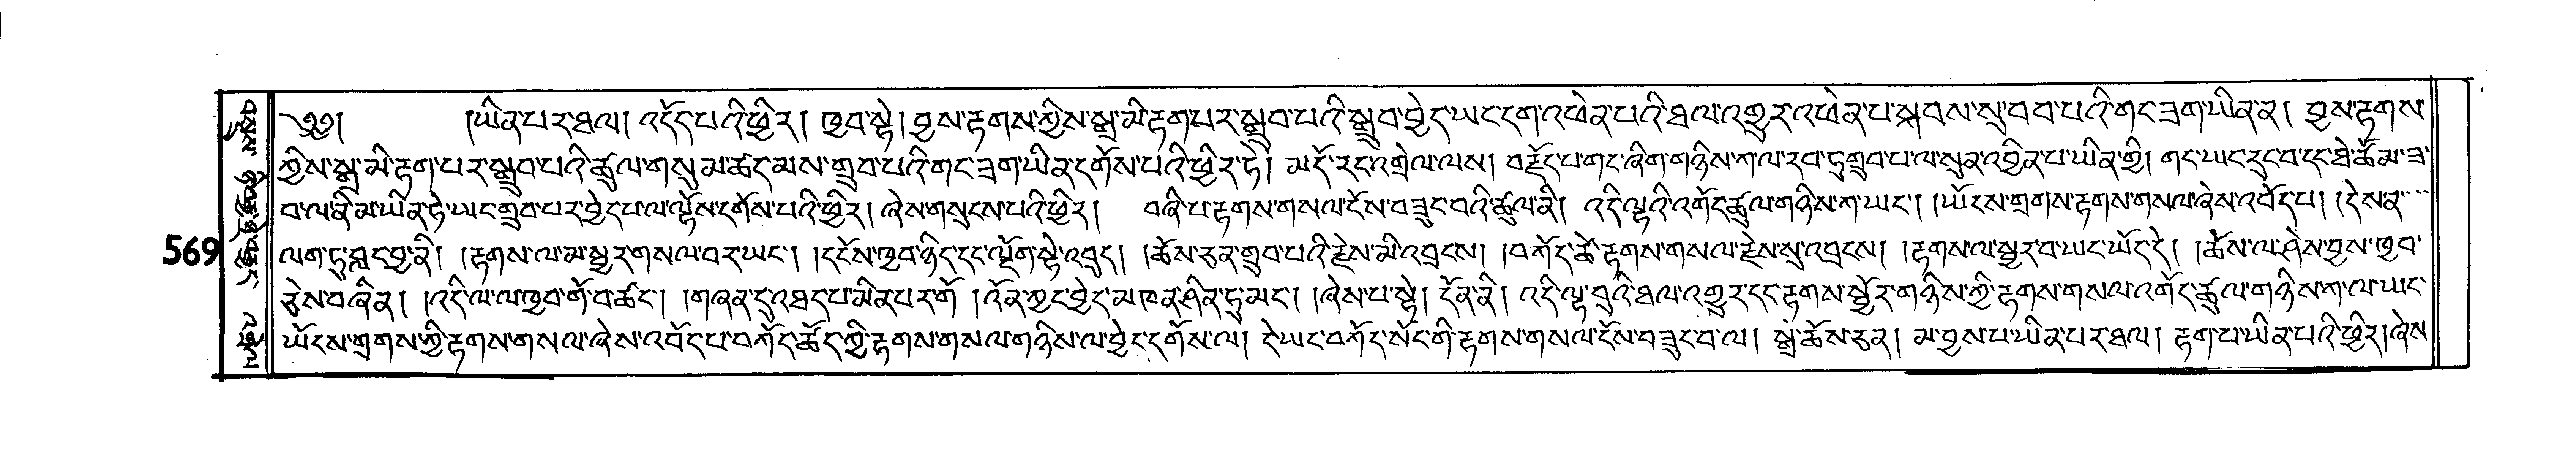༄༅། །ཡིན་པར་ཐལ། འདོད་པའི་ཕྱིར། ཁྱབ་སྟེ། བྱས་རྟགས་ཀྱིས་སྒྲ་མི་རྟག་པར་སྒྲུབ་པའི་སྒྲུབ་བྱེད་ཡང་དག་འཕེན་པའི་ཐལ་འགྱུར་འཕེན་པ་སྐབས་སུ་བབ་པའི་གང་ཟག་ཡིན་ན། བྱས་རྟགས་
ཀྱིས་སྒྲ་མི་རྟག་པར་སྒྲུབ་པའི་ཚུལ་གསུམ་ཚད་མས་གྲུབ་པའི་གང་ཟག་ཡིན་དགོས་པའི་ཕྱིར་ཏེ། མདོ་རང་འགྲེལ་ལས། བརྗོད་པ་གང་ཞིག་གཉིས་ཀ་ལ་རབ་ཏུ་གྲུབ་པ་ལ་སུན་འབྱིན་པ་ཡིན་གྱི། གང་ཡང་རུང་བ་དང་ཐེ་ཚོམ་ཟ་
བ་ལ་ནི་མ་ཡིན་ཏེ་ཡང་གྲུབ་པར་བྱེད་པ་ལ་ལྟོས་དགོས་པའི་ཕྱིར། ཞེས་གསུངས་པའི་ཕྱིར། བཞི་པ་རྟགས་གསལ་ངོས་བཟུང་བའི་ཚུལ་ནི། འདི་ལྟའི་འགོད་ཚུལ་གཉིས་ཀ་ཡང་། །ཡོངས་གྲགས་རྟགས་གསལ་ཞེས་འབོད་པ། །དེས་ན་
ལག་ཏུ་བླང་བྱ་ནི། །རྟགས་ལ་མ་སྦྱར་གསལ་བར་ཡང་། །དངོས་ཁྱབ་ཉིད་དང་ལྡོག་སྟེ་འབུད། །ཆོས་ཅན་གྲུབ་པའི་རྗེས་མི་འབྲངས། །བཀོད་ཚེ་རྟགས་གསལ་རྗེས་སུ་འབྲངས། །རྟགས་ལ་སྦྱར་བ་ཡང་ཡོད་དེ། །ཆོས་ལ་ཤེས་བྱས་ཁྱབ་
ཅེས་བཞིན། །འདི་ལ་ལ་ཁྱབ་གོ་བ་ཚང་། །གཞན་དུ་འཐད་པ་མིན་པར་གོ །འོན་ཀྱང་བྱེད་མཁན་ཤིན་ཏུ་མང་། །ཞེས་པ་སྟེ། དོན་ནི། འདི་ལྟ་བུའི་ཐལ་འགྱུར་དང་རྟགས་སྦྱོར་གཉིས་ཀྱི་རྟགས་གསལ་འགོད་ཚུལ་གཉིས་ཀ་ལ་ཡང་
ཡོངས་གྲགས་ཀྱི་རྟགས་གསལ་ཞེས་འབོད་པ་བཀོད་ཚོད་ཀྱི་རྟགས་གསལ་གཉིས་ལ་བྱེད་དགོས་ལ། དེ་ཡང་བཀོད་སོང་གི་རྟགས་གསལ་ངོས་བཟུང་བ་ལ། སྒྲ་ཆོས་ཅན། མ་བྱས་པ་ཡིན་པར་ཐལ། མ་བྱས་པ་ཡིན་པར་ཐལ། རྟག་པ་ཡིན་པའི་ཕྱིར། ཞེས་